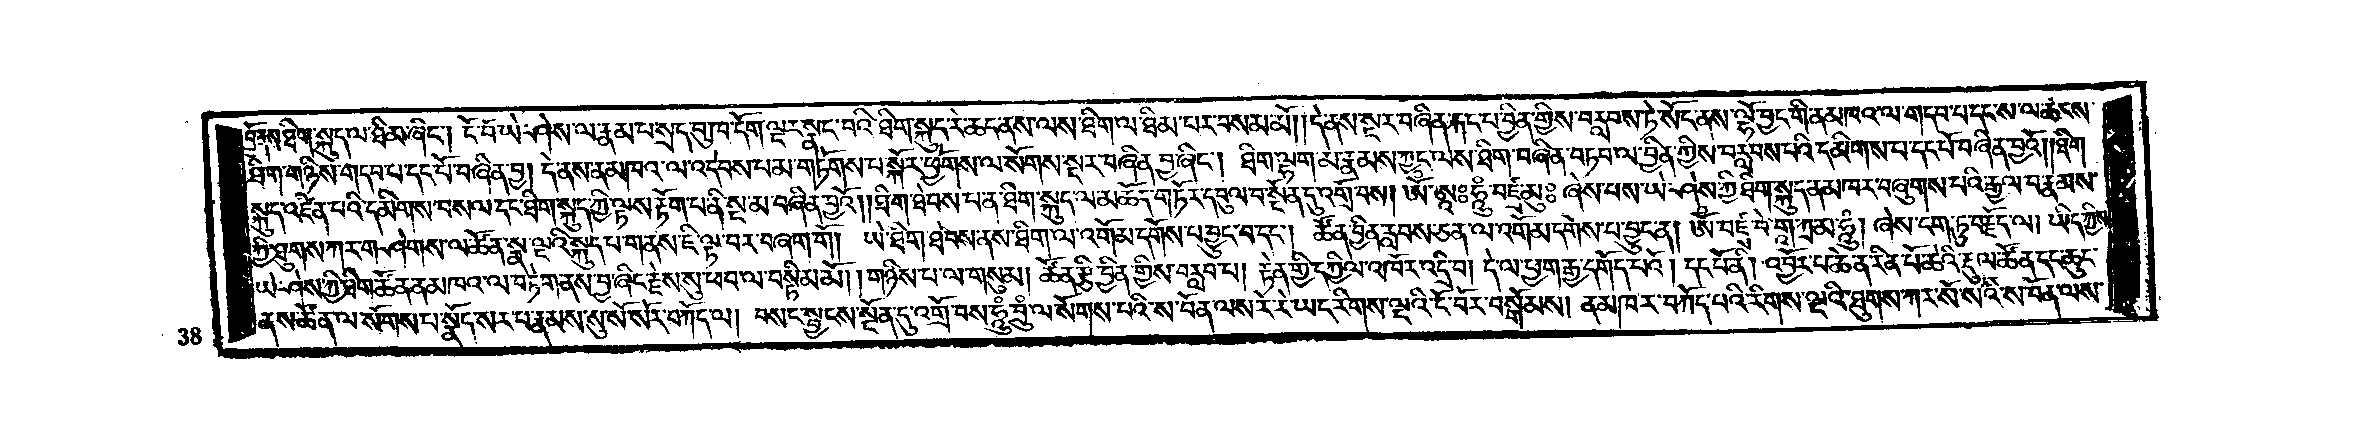བྱོ་ནས་ཐིག་སྐུད་ལ་ཐིམ་ཞིང་། ངོ་བོ་ཡེ་ཤེས་ལ་རྣམ་པ་སྲད་བུ་ཁ་དོག་ལྔར་སྣང་བའི་ཐིག་སྐུད་རེ་ཆད་ནས་ལས་ཐིག་ལ་ཐིམ་པར་བསམ་མོ། །དེ་ནས་སྔར་བཞིན་རྐང་པ་བྱིན་གྱིས་བརླབས་ཏེ་སོང་ནས་ལྷོ་བྱང་གི་ནམ་མཁའ་ལ་གདབ་པ་དང་ས་ལ་ཚངས་
ཐིག་གཉིས་གདབ་པ་དང་པོ་བཞིན་བྱ། དེ་ནས་ནམ་མཁའ་ལ་འདེབས་པ་མ་གཏོགས་པ་སྐོར་ཕྱོགས་ལ་སོགས་སྔར་བཞིན་བྱ་ཞིང་། ཐིག་ལྷག་མ་རྣམས་ཀྱང་ལས་ཐིག་བཞིན་བཏབ་ལ་བྱིན་གྱིས་བརླབས་པའི་དམིགས་པ་དང་པོ་བཞིན་བྱའོ། །ཐིག་
སྐུད་འཛིན་པའི་དམིགས་བསལ་དང་ཐིག་སྐུད་ཀྱི་ལྟས་རྟོག་པ་ནི་སྔ་མ་བཞིན་བྱའོ། །ཐིག་ཐེབས་པ་ན་ཐིག་སྐུད་ལ་མཆོད་གཏོར་དབུལ་བ་སྔོན་དུ་འགྲོ་བས། ཨོཾ་ཨཱཿ ཧཱུཾ་བཛྲ་མུཿ ཞེས་པས་ཡེ་ཤེས་ཀྱི་ཐིག་སྐུད་ནམ་མཁར་བཞུགས་པའི་རྒྱལ་བ་རྣམས་
ཀྱི་ཐུགས་ཀར་གཤེགས་ལ་ཚོན་སྣ་ལྔའི་སྐུད་པ་གནས་ཇི་ལྟ་བར་བཞག་གོ །ཡེ་ཐིག་ཐེབས་ནས་ཐིག་ལ་འགོམ་དགོས་པ་བྱུང་བ་དང་། ཚོན་བྱིན་རླབས་ཅན་ལ་འགོམ་དགོས་པ་བྱུང་ན། ཨོཾ་བཛྲ་བེ་གཱ་ཀྲ་མ་ཧཱུཾ། ཞེས་ངག་ཏུ་བརྗོད་ལ། ཡིད་ཀྱིས་
ཡེ་ཤེས་ཀྱི་ཐིག་ཚོན་ནམ་མཁའ་ལ་བཏེག་ནས་བྱ་ཞིང་རྗེས་སུ་ཕབ་ལ་བསྟིམ་མོ། །གཉིས་པ་ལ་གསུམ། ཚོན་རྩི་བྱིན་གྱིས་བརླབ་པ། རྟེན་གྱི་དཀྱིལ་འཁོར་འདྲི་བ། དེ་ལ་ཕྱག་རྒྱ་དགོད་པའོ། །དང་པོ་ནི། འབྱོར་པ་ཆེ་ན་རིན་པོ་ཆེའི་རྡུལ་ཚོན་དང་ཆུང་
ནས་ཚོན་ལ་སོགས་པ་སྣོད་སར་པ་རྣམས་སུ་སོ་སོར་བཀོད་ལ། བསང་སྦྱངས་སྔོན་དུ་འགྲོ་བས་ཧཱུཾ་བྲུཾ་ལ་སོགས་པའི་ས་བོན་ལས་རེ་རེ་ཡང་རིགས་ལྔའི་ངོ་བོར་བསྒོམས། ནམ་མཁར་བཀོད་པའི་རིགས་ལྔའི་ཐུགས་ཀར་སོ་སོའི་ས་བོན་ལས་